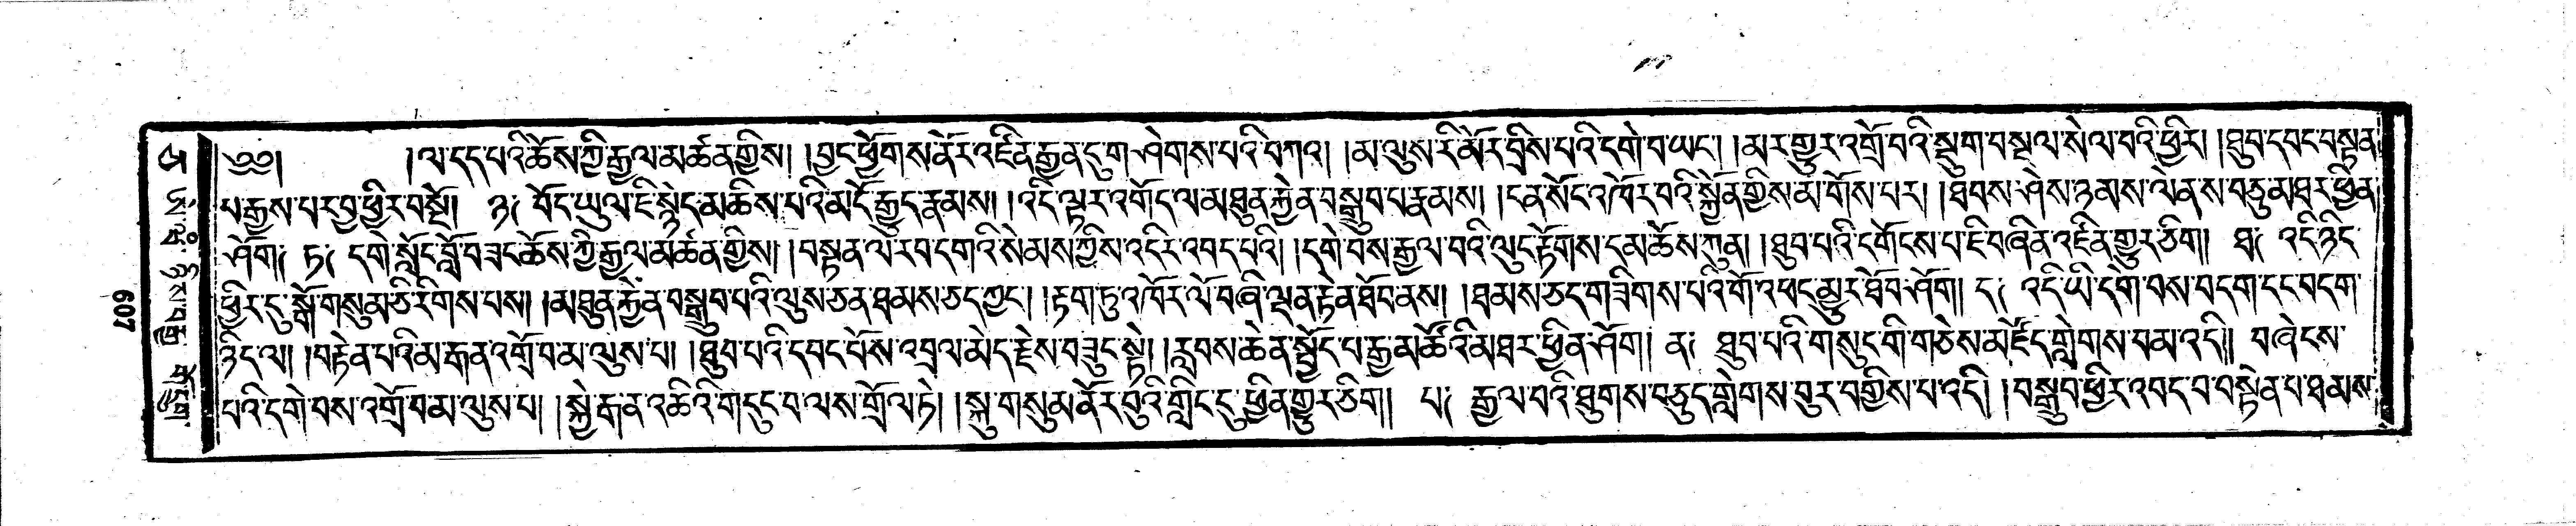༄༅། །ལ་དད་པའི་ཆོས་ཀྱི་རྒྱལ་མཚན་གྱིས། །བྱང་ཕྱོགས་ནོར་འཛིན་རྒྱན་དུ་གཤེགས་པའི་བཀའ། །མ་ལུས་རི་མོར་བྲིས་པའི་དགེ་བ་ཡང་། །མར་གྱུར་འགྲོ་བའི་སྡུག་བསྔལ་སེལ་བའི་ཕྱིར། །ཐུབ་དབང་བསྟན་
པ་རྒྱས་པར་བྱ་ཕྱིར་བསྔོ། ཉ༑ བོད་ཡུལ་ཇི་སྙེད་མཆིས་པའི་མདོ་རྒྱུད་རྣམས། །འདི་ལྟར་འགོད་ལ་མཐུན་རྐྱེན་བསྒྲུབ་པ་རྣམས། །ངན་སོང་འཁོར་བའི་སྐྱོན་གྱིས་མ་གོས་པར། །ཐབས་ཤེས་ཉམས་ལེན་ས་བཅུ་མཐར་ཕྱིན་
ཤོག༑ ཏ༑ དགེ་སློང་བློ་བཟང་ཆོས་ཀྱི་རྒྱལ་མཚན་གྱིས། །བསྟན་ལ་རབ་དགའི་སེམས་ཀྱིས་འདིར་འབད་པའི། །དགེ་བས་རྒྱལ་བའི་ལུང་རྟོགས་དམ་ཆོས་ཀུན། །ཐུབ་པའི་དགོངས་པ་ཇི་བཞིན་འཛིན་གྱུར་ཅིག །ཐ༑ འདི་ཉིད་
ཕྱིར་དུ་སྒོ་གསུམ་ཅི་རིགས་པས། །མཐུན་རྐྱེན་བསྒྲུབ་པའི་ལུས་ཅན་ཐམས་ཅད་ཀྱང་། །རྟག་ཏུ་འཁོར་ལོ་བཞི་ལྡན་རྟེན་ཐོབ་ནས། །ཐམས་ཅད་གཟིགས་པའི་གོ་འཕང་མྱུར་ཐོབ་ཤོག །ད༑ འདི་ཡི་དགེ་བས་བདག་དང་བདག་
ཉིད་ལ། །བརྟེན་པའི་མ་རྒན་འགྲོ་བ་མ་ལུས་པ། །ཐུབ་པའི་དབང་པོས་འབྲལ་མེད་རྗེས་བཟུང་སྟེ། །རླབས་ཆེན་སྤྱོད་པ་རྒྱ་མཚོའི་མཐར་ཕྱིན་ཤོག །ན༑ ཐུབ་པའི་གསུང་གི་གཅེས་མཛོད་གླེགས་བམ་འདི། །བཞེངས་
པའི་དགེ་བས་འགྲོ་བ་མ་ལུས་པ། །སྐྱེ་རྒ་ན་འཆིའི་གདུང་བ་ལས་གྲོལ་ཏེ། །སྐུ་གསུམ་ནོར་བུའི་གླིང་དུ་ཕྱིན་གྱུར་ཅིག །པ༑ རྒྱལ་བའི་ཐུགས་བཅུད་གླེགས་བུར་བགྱིས་པ་འདི། །བསྒྲུབ་ཕྱིར་འབད་པ་བསྟེན་པ་ཐམས་